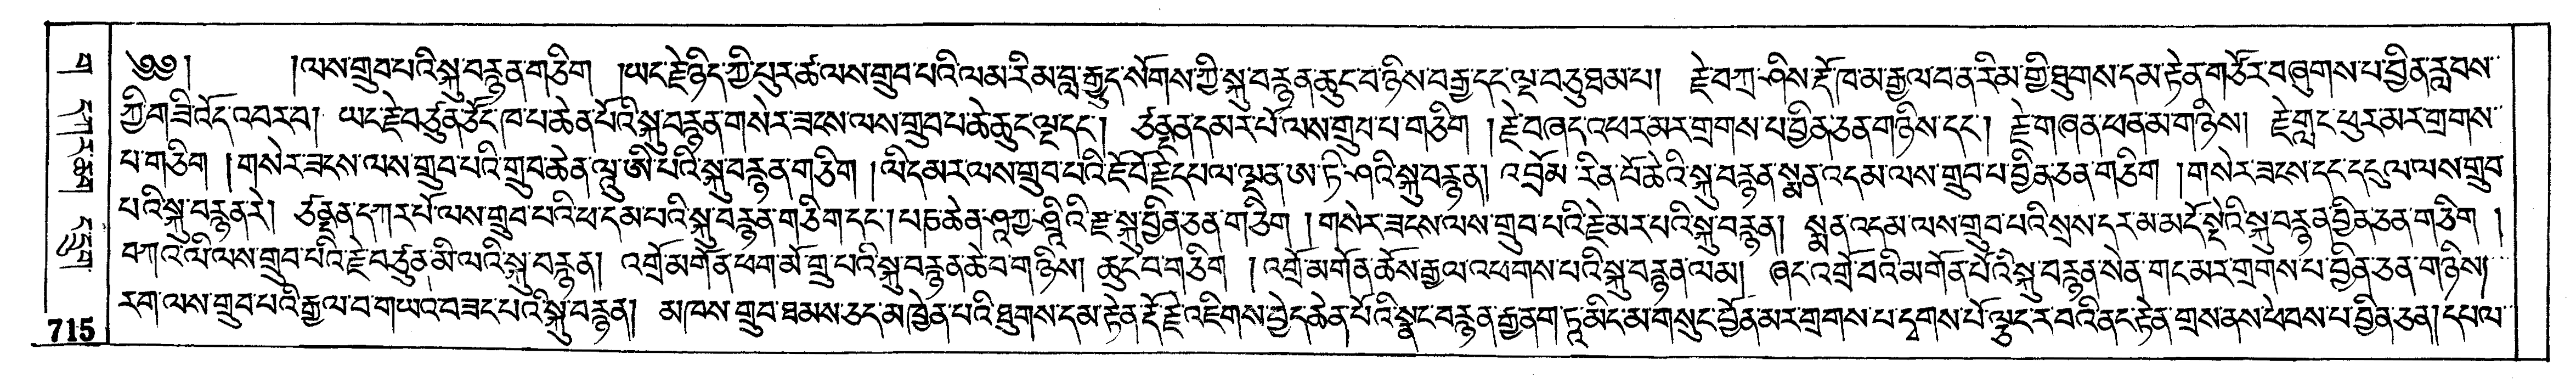༄༅། །ལས་གྲུབ་པའི་སྐུ་བརྙན་གཅིག །ཡང་རྗེ་ཉིད་ཀྱི་པུར་ཚ་ལས་གྲུབ་པའི་ལམ་རིམ་བླ་རྒྱུད་སོགས་ཀྱི་སྐུ་བརྙན་ཆུང་བ་ཉིས་བརྒྱ་དང་ལྔ་བཅུ་ཐམ་པ། རྗེ་བཀྲ་ཤིས་རྡོ་ཁམ་རྒྱལ་པ་ན་རིམ་གྱི་ཐུགས་དམ་རྟེན་གཙོར་བཞུགས་པ་བྱིན་རླབས་
ཀྱི་གཟི་འོད་འབར་བ། ཡང་རྗེ་བཙུན་ཙོང་ཁ་པ་ཆེན་པོའི་སྐུ་བརྙན་གསེར་ཟངས་ལས་གྲུབ་པ་ཆེ་ཆུང་ལྔ་དང་། ཙནྡན་དམར་པོ་ལས་གྲུབ་པ་གཅིག །རྗེ་བཞད་འཕར་མར་གྲགས་པ་བྱིན་ཅན་གཉིས་དང་། རྗེ་གཞན་ཕན་མ་གཉིས། རྗེ་གླང་ཕུར་མར་གྲགས་
པ་གཅིག །གསེར་ཟངས་ལས་གྲུབ་པའི་གྲུབ་ཆེན་ལཱུ་ཨི་པའི་སྐུ་བརྙན་གཅིག །ལི་དམར་ལས་གྲུབ་པའི་ཇོ་བོ་རྗེ་དཔལ་ལྡན་ཨ་ཏི་ཤའི་སྐུ་བརྙན། འབྲོམ་རིན་པོ་ཆེའི་སྐུ་བརྙན་སྨན་འདམ་ལས་གྲུབ་པ་བྱིན་ཅན་གཅིག །གསེར་ཟངས་དང་དངུལ་ལས་གྲུབ་
བའི་སྐུ་བརྙན་རེ། ཙནྡན་དཀར་པོ་ལས་གྲུབ་པའི་ཕ་དམ་པའི་སྐུ་བརྙན་གཅིག་དང་། པཎ་ཆེན་ཤཱཀྱ་ཤྲཱིའི་རྫ་སྐུ་བྱིན་ཅན་གཅིག །གསེར་ཟངས་ལས་གྲུབ་པའི་རྗེ་མར་པའི་སྐུ་བརྙན། སྨན་འདམ་ལས་གྲུབ་པའི་སྲས་དར་མ་མདོ་སྡེའི་སྐུ་བརྙན་བྱིན་ཅན་གཅིག །
བཀའ་ལི་ལས་གྲུབ་པའི་རྗེ་བཙུན་མི་ལའི་སྐུ་བརྙན། འགྲོ་མགོན་ཕག་མོ་གྲུ་པའི་སྐུ་བརྙན་ཆེ་བ་གཉིས། ཆུང་བ་གཅིག །འགྲོ་མགོན་ཆོས་རྒྱལ་འཕགས་པའི་སྐུ་བརྙན་ལིམ། ཞང་འགྲོ་བའི་མགོན་བོའི་སྐུ་བརྙན་སེན་གང་མར་གྲགས་པ་བྱིན་ཅན་གཉིས།
རག་ལས་གྲུབ་པའི་རྒྱལ་བ་གཡའ་བཟང་པའི་སྐུ་བརྙན། མཁས་གྲུབ་ཐམས་ཅད་མཁྱེན་པའི་ཐུགས་དམ་རྟེན་རྡོ་རྗེ་འཇིགས་བྱེད་ཆེན་པོའི་སྣང་བརྙན་རྒྱ་ནག་ཏཱ་མིང་མ་གསུང་བྱོན་མར་གྲགས་པ་དྭགས་པོ་ལྕང་ར་བའི་ནང་རྟེན་གྲས་ནས་ཕེབས་པ་བྱིན་ཅན། དཔལ་